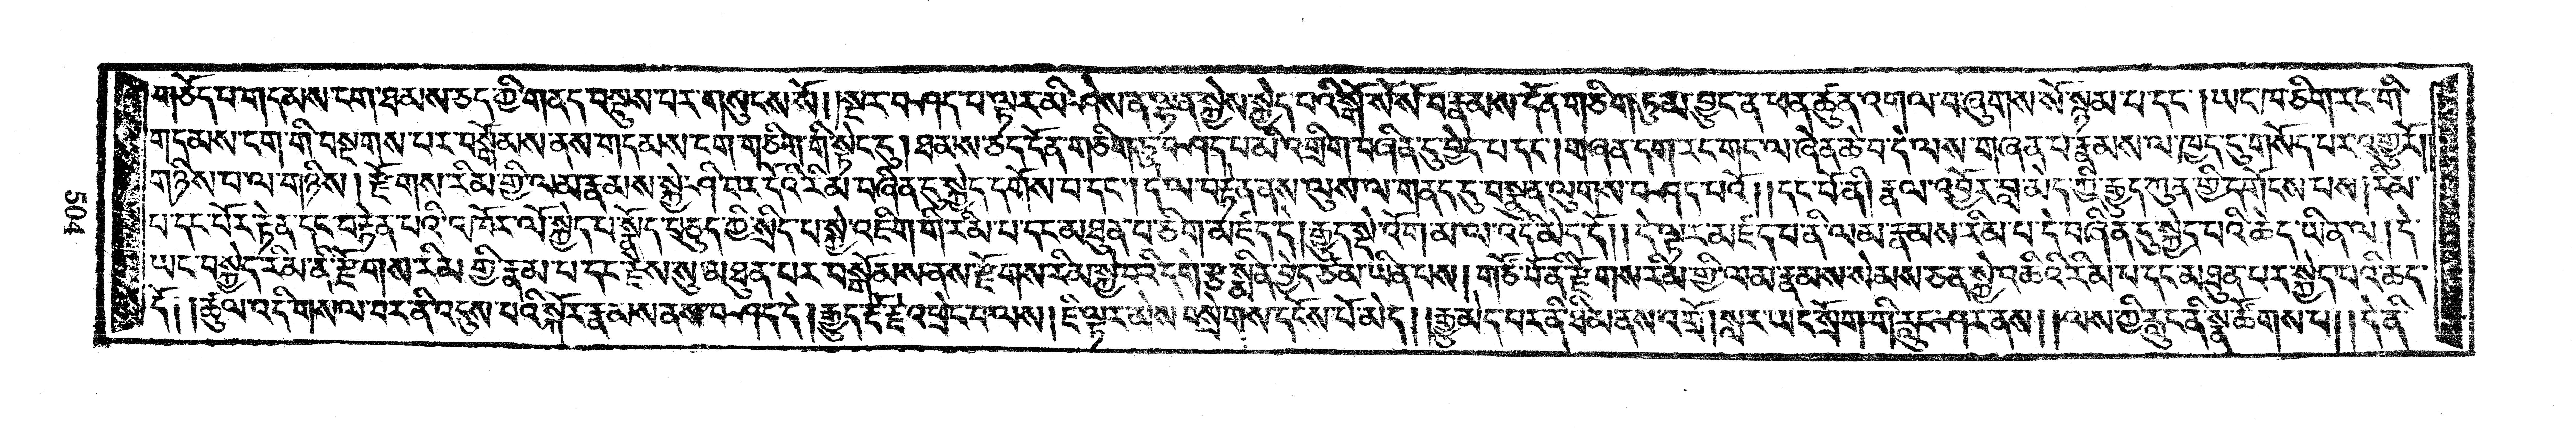གཅོད་པ་གདམས་ངག་ཐམས་ཅད་ཀྱི་གནད་བསྡུས་པར་གསུངས་སོ། །སྔར་བཤད་པ་ལྟར་མི་ཤེས་ན་ལྷན་སྐྱེས་སྐྱེད་པའི་སྒོ་སོ་སོ་བ་རྣམས་དོན་གཅིག་ཏུ་མ་བྱུང་ན་ཕན་ཚུན་འགལ་བ་ཞུགས་སོ་སྙམ་པ་དང་། ཡང་ཁ་ཅིག་རང་གི་
གདམས་ངག་གི་བསྔགས་པར་བསྒོམས་ནས་གདམས་ངག་གཅིག་གི་སྟེང་དུ། ཐམས་ཅད་དོན་གཅིག་ཏུ་བཤད་པ་མི་འགྲིག་བཞིན་དུ་བྱེད་པ་དང་། གཞན་དག་རང་གང་ལ་ཞེན་ཆེ་བ་དེ་ལས་གཞན་པ་རྣམས་ལ་ཁྱད་དུ་གསོད་པར་འགྱུར་རོ། །
གཉིས་པ་ལ་གཉིས། རྫོགས་རིམ་གྱི་ལམ་རྣམས་སྐྱེ་ཤི་བར་དོའི་རིམ་བཞིན་དུ་སྐྱེད་དགོས་པ་དང་། དེ་ལ་བརྟེན་ནས་ལུས་ལ་གནད་དུ་བསྣུན་ལུགས་བཤད་པའོ། །དང་པོ་ནི། རྣལ་འབྱོར་བླ་མེད་ཀྱི་རྒྱུད་ཀུན་གྱི་དགོངས་པས། རིམ་
པ་དང་པོར་རྟེན་དང་བརྟེན་པའི་འཁོར་ལོ་སྐྱེད་པ་སྣོད་བཅུད་ཀྱི་སྲིད་པ་སྐྱེ་འཇིག་གི་རིམ་པ་དང་མཐུན་པ་ཅིག་མཛད་དེ། རྒྱུད་སྡེ་འོག་མ་ལ་འདི་མེད་དོ། །དེ་ལྟར་མཛད་པ་ནི་ལམ་རྣམས་རིམ་པ་དེ་བཞིན་དུ་སྐྱེད་པའི་ཆེད་ཡིན་ལ། དེ་
ཡང་བསྐྱེད་རིམ་ནི་རྫོགས་རིམ་གྱི་རྣམ་པ་དང་རྗེས་སུ་མཐུན་པར་བསྒོམས་ནས་རྫོགས་རིམ་སྐྱེ་བའི་དགེ་རྩ་སྨིན་བྱེད་ཙམ་ཡིན་པས། གཙོ་བོ་ནི་རྫོགས་རིམ་གྱི་ལམ་རྣམས་སེམས་ཅན་སྐྱེ་འཆིའི་རིམ་པ་དང་མཐུན་པར་སྐྱེད་པའི་ཆད་
དོ། །ཚུལ་འདི་གསལ་བར་ནི་འདུས་པའི་སྐོར་རྣམས་ནས་བཤད་དེ། རྒྱུད་རྡོ་རྗེ་འཕྲེང་བ་ལས། ཇི་ལྟར་མེས་བསྲེགས་དངོས་པོ་མེད། །རྒྱུ་མེད་པར་ནི་ཐིམ་ནས་འགྲོ་།སླར་ཡང་སྲོག་གི་རླུང་ཤར་ནས། །ལས་ཀྱི་རླུང་ནི་སྣ་ཚོགས་པ། །དེ་ནི་